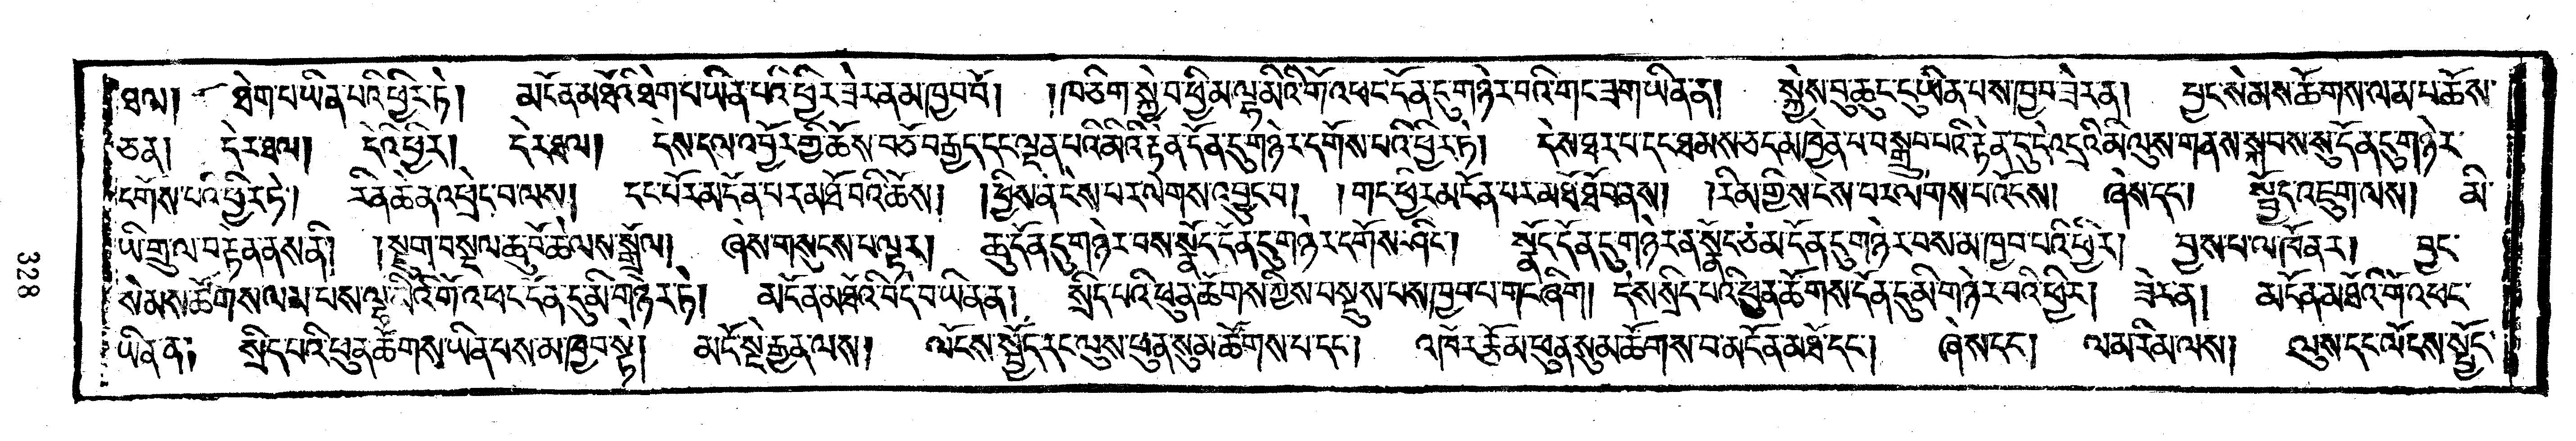ཐལ། ཐེག་པ་ཡིན་པའི་ཕྱིར་ཏེ། མངོན་མཐོའི་ཐེག་པ་ཡིན་པའི་ཕྱིར་ཟེར་ན་མ་ཁྱབ་བོ། །ཁ་ཅིག་སྐྱེ་བ་ཕྱི་མ་ལྷ་མིའི་གོ་འཕང་དོན་དུ་གཉེར་བའི་གང་ཟག་ཡིན་ན། སྐྱེས་བུ་ཆུང་དུ་ཡིན་པས་ཁྱབ་ཟེར་ན། བྱང་སེམས་ཆོགས་ལ་མ་པ་ཆོས་
ཅན། དེར་ཐལ། དེའི་ཕྱིར། དེར་ཐལ། དེས་དལ་འབྱོར་གྱི་ཆོས་བཅོ་བརྒྱད་དང་ལྡན་པའི་མིའི་རྟེན་དོན་དུ་གཉེར་དགོས་པའི་ཕྱིར་ཏེ། དེས་ཐར་པ་དང་ཐམས་ཅད་མཁྱེན་པ་བསྒྲུབ་པའི་རྟེན་དུ་དེ་འདྲའི་མི་ལུས་གནས་སྐབས་སུ་དོན་དུ་གཉེར་
དགོས་པའི་ཕྱིར་ཏེ། རིན་ཆེན་འཕྲེང་བ་ལས། དང་པོར་མངོན་པར་མཐོ་བའི་ཆོས། །ཕྱིས་ན་ངེས་པར་ལེགས་འབྱུང་བ། །གང་ཕྱིར་མངོན་པར་མཐོ་ཐོབ་ནས། །རིམ་གྱིས་ངེས་པར་ལགས་པ་འོངས། ཞེས་དང་། སྦྱོད་འཇུག་ལས། མི་
ཡི་གྲུ་ལ་བརྟེན་ནས་ནི། །སྡུག་བསྔལ་ཆུ་བོ་ཆེ་ལས་སྒྲོལ། ཞེས་གསུངས་པ་ལྟར། ཆུ་དོན་དུ་གཉེར་བས་སྣོད་དོན་དུ་གཉེར་དགོས་ཤིང་། སྣོད་དོན་དུ་གཉེར་ན་སྣོད་ཙམ་དོན་དུ་གཉེར་བས་མ་ཁྱབ་པའི་ཕྱིར། བྱས་པ་ལ་ཁོ་ནར། བྱང་
སེམས་ཚོགས་ལམ་པས་ལྷ་མིའི་གོ་འཕང་དོན་དུ་མི་གཉེར་ཏེ། མངོན་མཐོའི་བདེ་བ་ཡིན་ན། སྲིད་པའི་ཕུན་ཚོགས་ཀྱིས་བསྡུས་པས་ཁྱབ་པ་གང་ཞིག། དེས་སྲིད་པའི་ཕུན་ཚོགས་དོན་དུ་མི་གཉེར་པའི་ཕྱིར། ཟེར་ན། མངོན་མཐོའི་གོ་འཕང་
ཡིན་ན། སྲིད་པའི་ཕུན་ཚོགས་ཡིན་པས་མ་ཁྱབ་སྟེ། མདོ་སྡེ་རྒྱན་ལས། ལོངས་སྦྱོད་རང་ལུས་ཕུན་སུམ་ཚོགས་པ་དང་། འཁོར་རྩོམ་ཕུན་སུམ་ཚོགས་བ་མངོན་མཐོ་དང་། ཞེས་དང་། ལམ་རིམ་ལས། ལུས་དང་ལོངས་སྤྱོད་